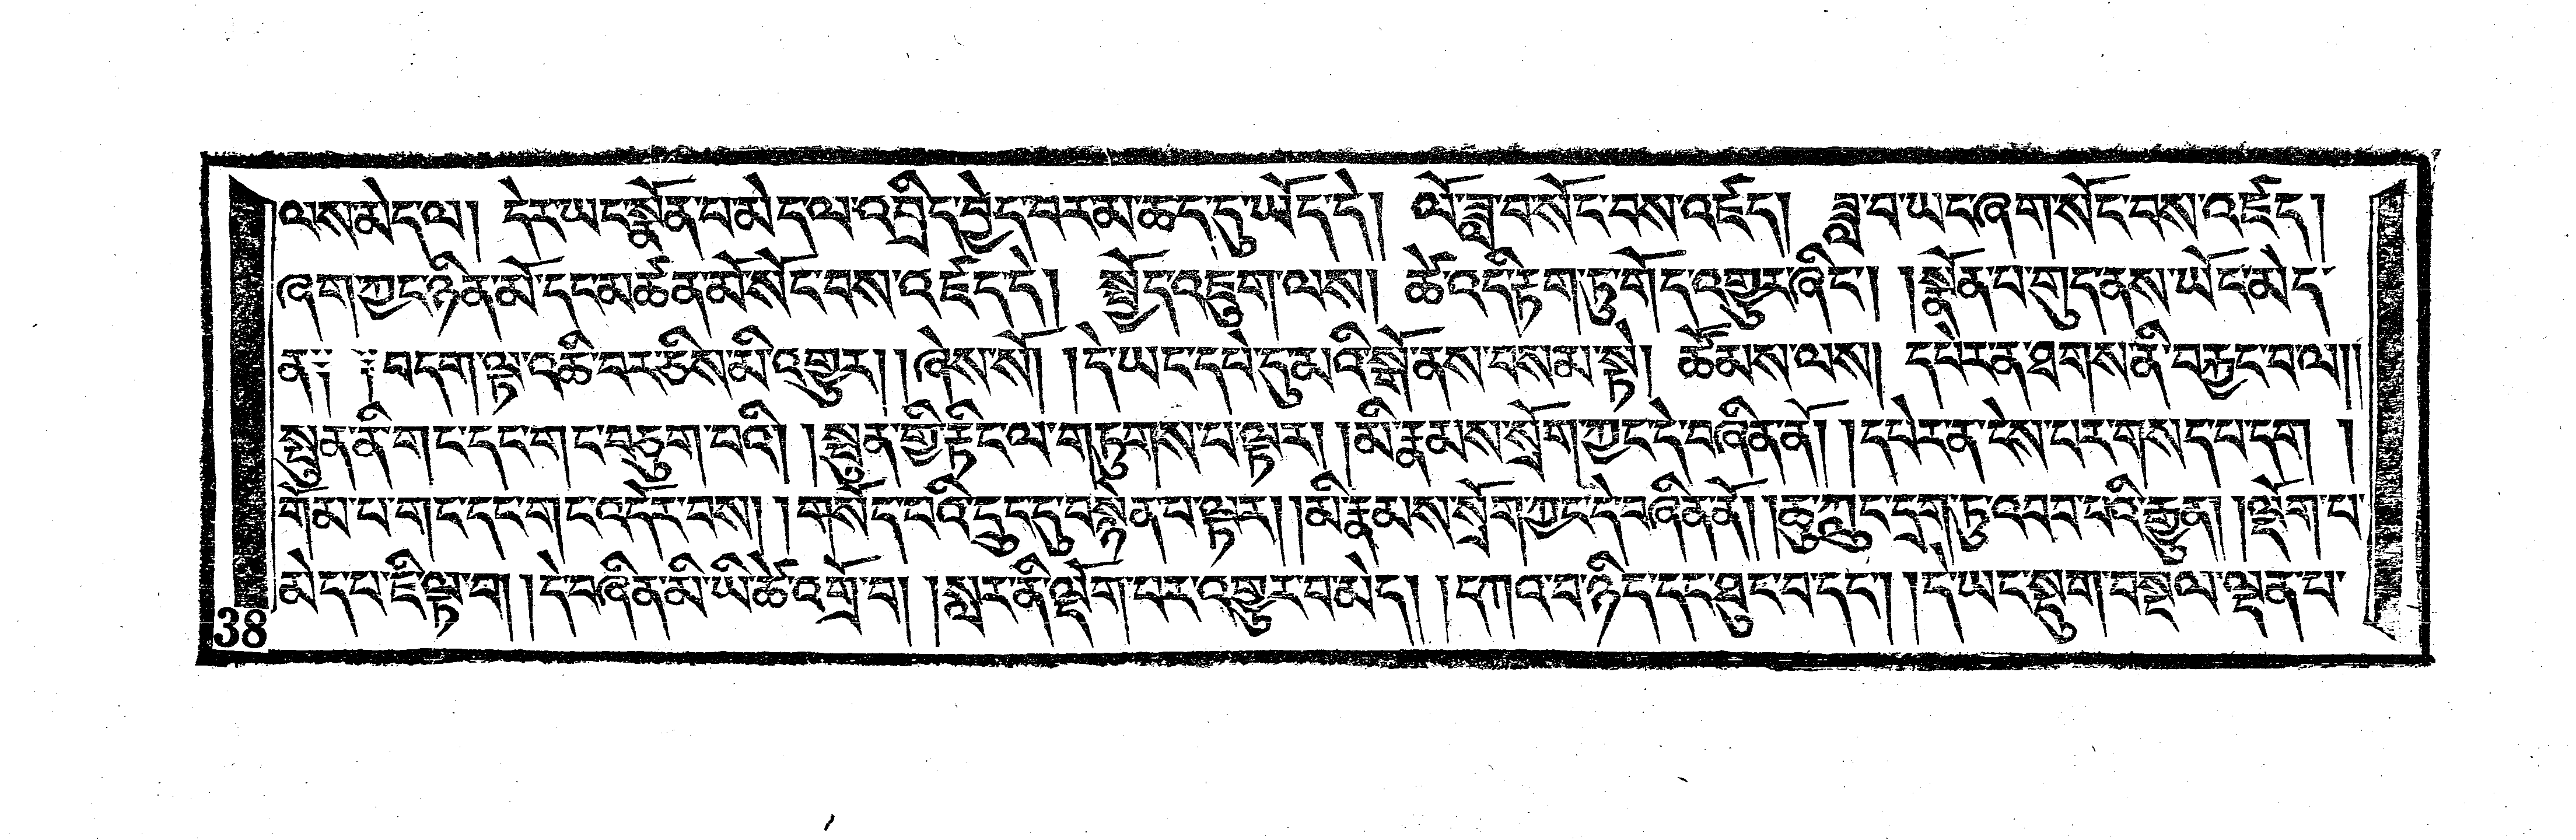ལས་མེད་ལ། དེར་ཡང་སྣོན་པ་མེད་ལ་འབྲིད་བྱེད་བར་མ་ཆད་དུ་ཡོད་དེ། ལོ་ཟླ་བ་སོང་བས་འཛད། ཟླ་བ་ཡང་ཞག་སོང་བས་འཛད།
ཞག་ཀྱང་ཉིན་མོ་དང་མཚན་མོ་སོང་བས་འཛད་དེ། སྤྱོད་འཇུག་ལས། ཚེ་འདི་རྟག་ཏུ་གོད་འགྱུར་ཞིང་། །སྣོན་པ་གུད་ནས་ཡོད་མེད་
ན༑ ༑བདག་ལྟ་འཆི་བར་ཅིས་མི་འགྱུར། །ཞེས་སོ། །དེ་ཡང་དཔེ་དུ་མའི་སྒོ་ནས་བསམ་སྟེ། ཚོམས་ལས། དཔེར་ན་ཐགས་ནི་བརྐྱང་པ་ལ། །
སྤུན་ནི་གང་དང་གང་བཅུག་པའི། །སྤུན་གྱི་རྟིང་ལ་གཏུགས་པ་ལྟར། །མི་རྣམས་སྲོག་ཀྱང་དེ་བཞིན་ནོ། །དཔེར་ན་ངེས་པར་གསད་པ་དག །
གོམ་པ་གང་དང་གང་འདོར་བས། །གསོད་པའི་དྲུང་དུ་བསྙེན་པ་ལྟར། །མི་རྣམས་སྲོག་ཀྱང་དེ་བཞིན་ནོ། །ཆུ་ཀླུང་དྲག་ཏུ་འབབ་པའི་རྒྱུན། །ལྡོག་པ་
མེད་པ་ཇི་ལྟ་བ། །དེ་བཞིན་མི་ཡི་ཚེ་འགྲོ་བ། །སླར་ནི་ལྡོག་པར་འགྱུར་བ་མེད། །དཀའ་བ་ཉིད་དང་ཐུང་བ་དང་། །དེ་ཡང་སྡུག་བསྔལ་ལྡན་པ་